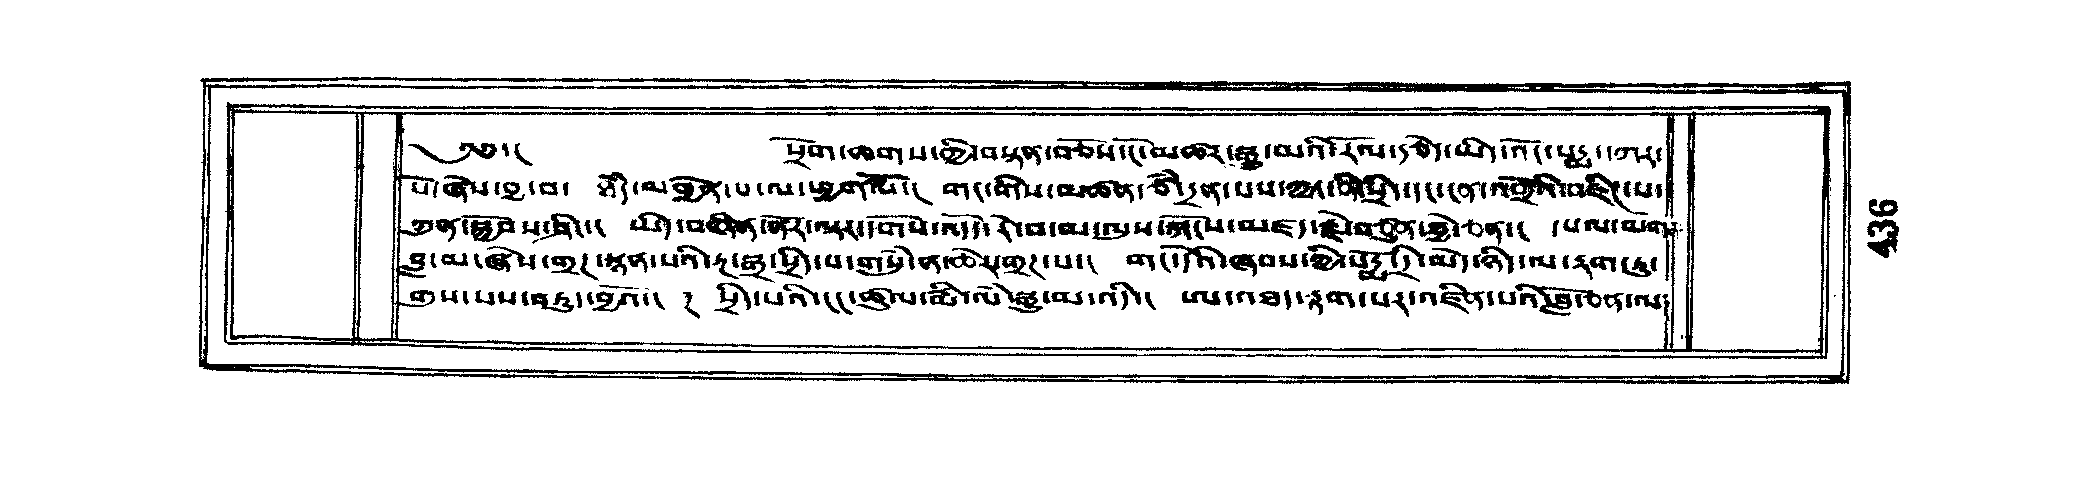སྲོག་ཆགས་ཀྱི་བསྟན་བཅོས་ངོ་མཚར་སྒྱུ་མའི་རོལ་རྩེད་ཡིད་འོང་པདྨ་དཀར་
པོ་ཞེས་བྱ་བ། ཐམས་ཅད་མཁྱེན་པ་ལ་ཕྱག་འཚལ་ལོ། གང་གིས་མཚན་ཙམ་དྲན་པས་ཀྱང་ནི་སྲིད་དང་ངན་འགྲོའི་འཇིགས་པ་
ཀུན་སྐྱོབས་ཤིང་། །ཡིད་བཞིན་ནོར་ལྟར་དགོས་འདོད་རེ་བ་མ་ལུས་སྐོང་མཛད་རྗེ་བཙུན་ཐུགས་རྗེ་ཅན། །དཔལ་མགོན་
བླ་མ་ཞེས་གྲགས་སྙན་པའི་རྔ་སྒྲ་སྲིད་པ་གསུམ་ན་ཆེར་གྲགས་པ། །གང་དེའི་ཞབས་ཀྱི་པདྨོ་དྲི་མེད་ཉིད་ལ་རྟག་ཏུ་
གུས་པས་བཏུད་བྱའོ། །སྲིད་པའི་ངང་ཚུལ་རྨི་ལམ་སྒྱུ་མ་འདི། །ཨ་འཐས་རྟག་པར་འཛིན་པའི་བློ་ཅན་ལ།